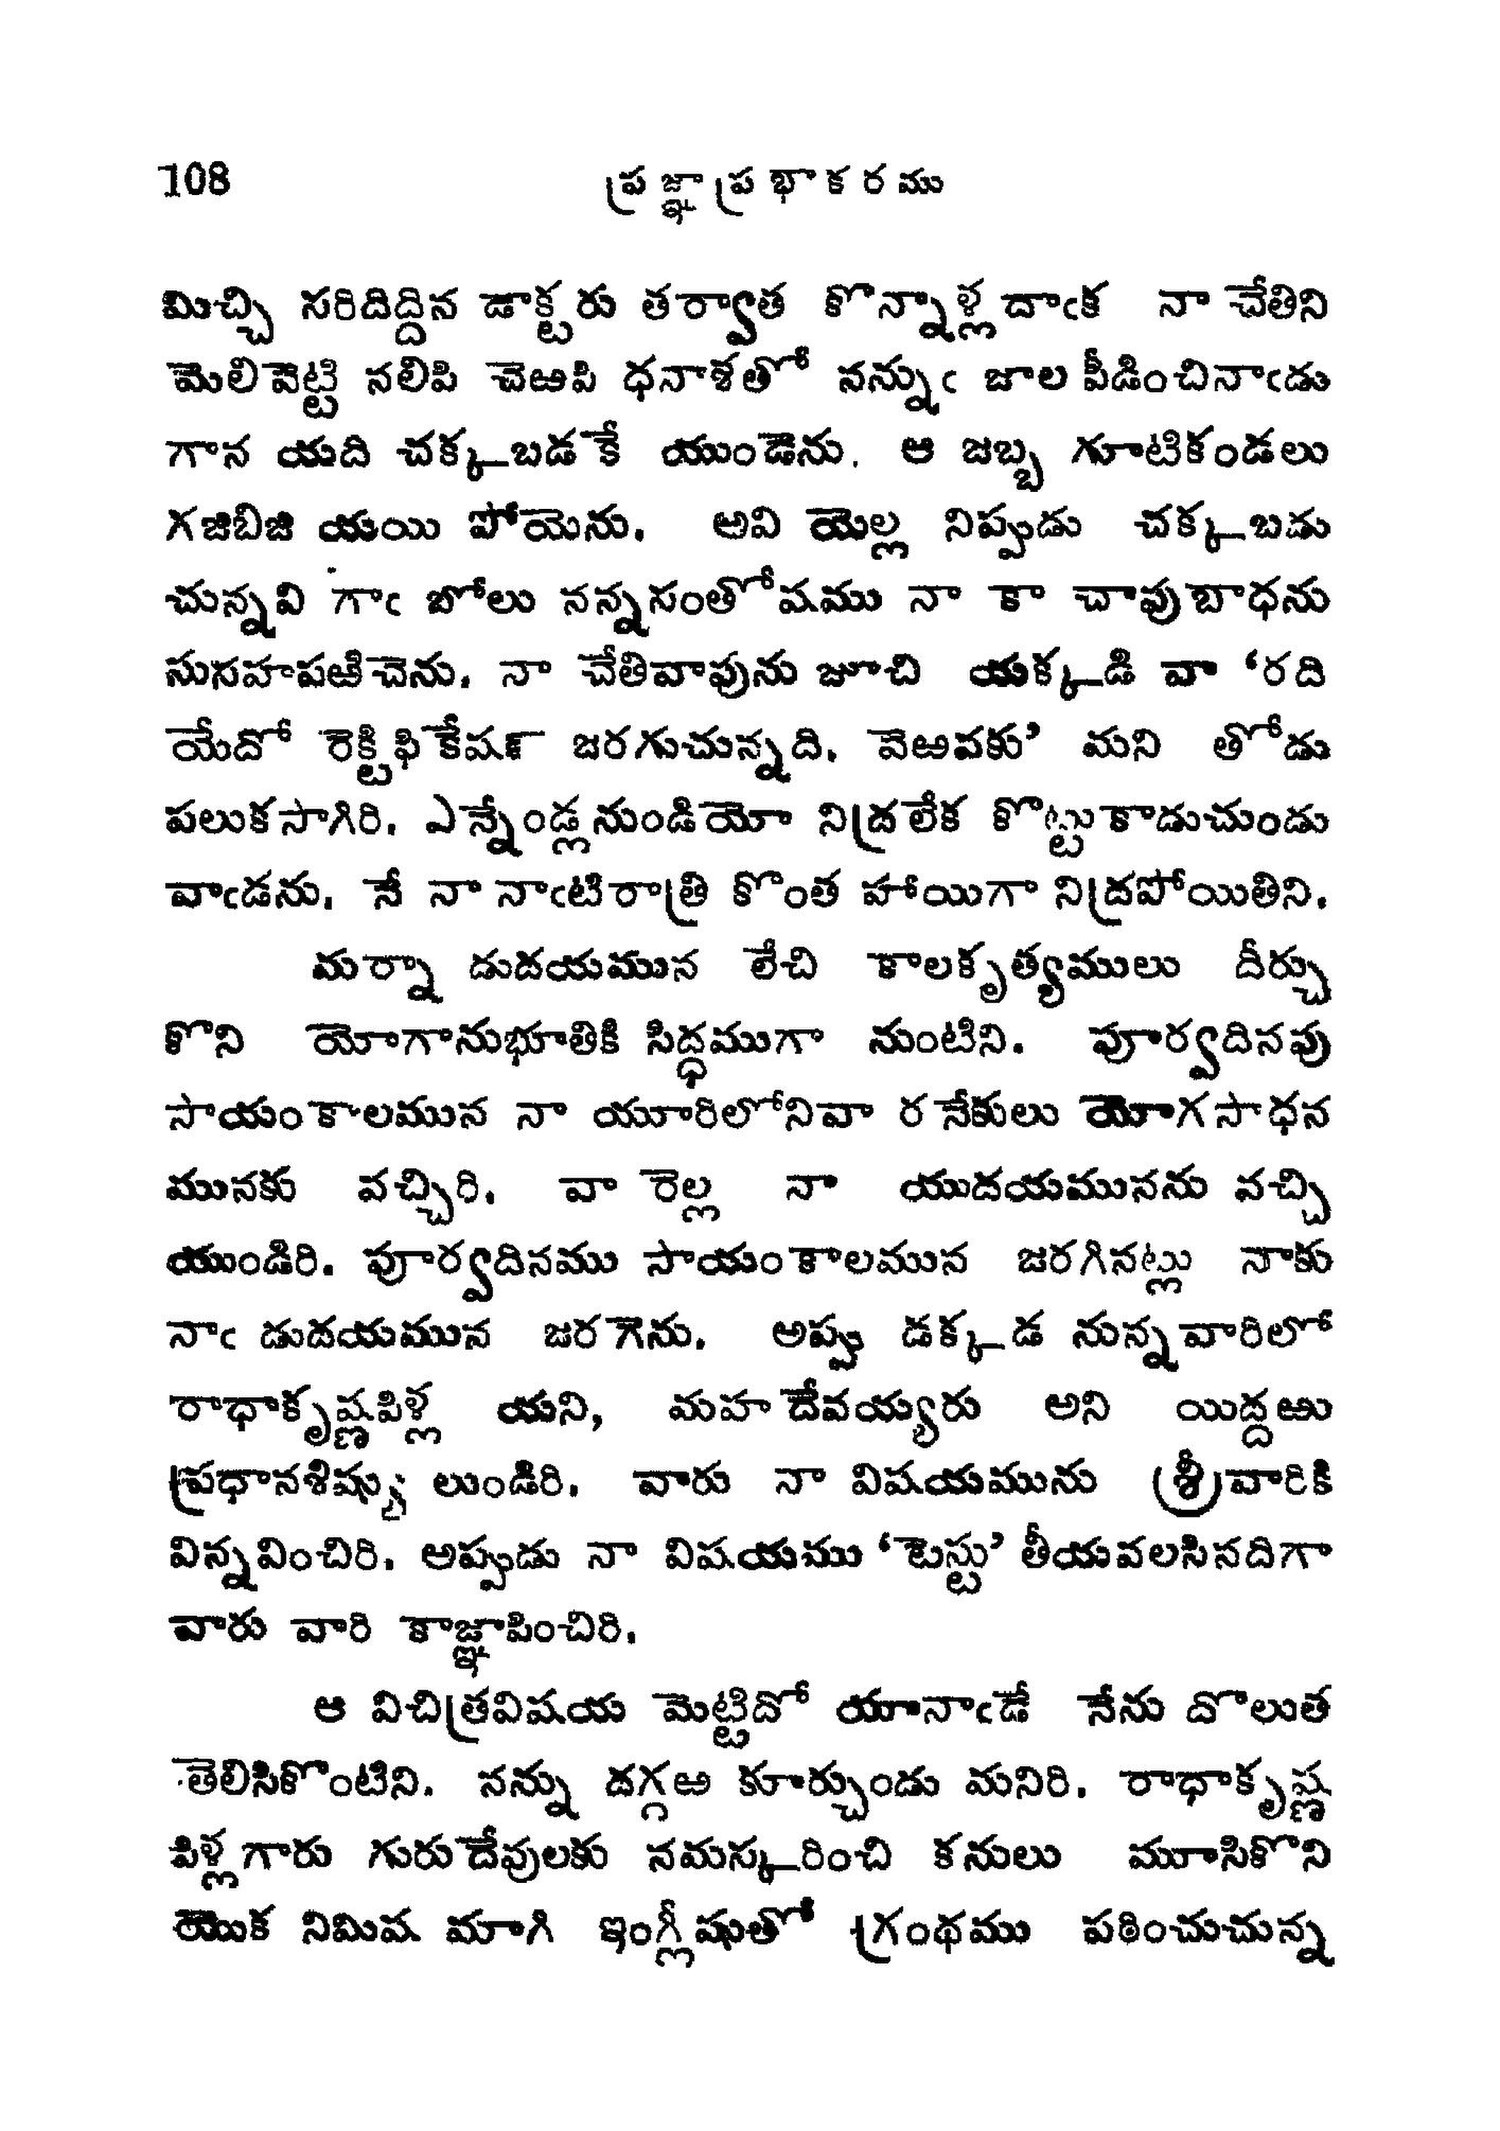మిచ్చి సరిదిద్దిన డాక్టరు తర్వాత కొన్నాళ్ళ దాఁక నా చేతిని మెలి వెట్టి నలిపి చెఱపి ధనాశతో నన్నుఁ జాల పీడించి నాఁడు గాన యది చక్కబడకే యుండెను. ఆ జబ్బు గూటి కండలు గజిబిజి యయిపోయెను. అవి యెల్ల నిప్పుడు చక్క బడు చున్నవి గాఁబోలు నన్న సంతోషము నా కా చావు బాధను చేతి వాపును జూచి యక్కడి వా 'రది యేదో రెక్టిఫి కేషన్‌ జరగు చున్నది. వెఱవకు' మని తోడు పలుక సాగిరి. ఎన్నేండ్లనుండి యో నిద్రలేక కొట్టు కాడుచుండు వాఁ డను. నే నా నాఁటి రాత్రి కొంత హాయిగా నిద్ర పోయితిని.

మర్నా డుదయమున లేచి కాలకృత్యములు దీర్చు కొని యోగానుభూతికి సిద్దముగా నుంటిని. పూర్వదినపు సాయంకాలమున నా యూరిలోనివారనేకులు యోగసాధన మునకు వచ్చిరి. వా రెల్ల నా యుదయమునను వచ్చి యుండిరి. పూర్వదినము సాయంకాలము జరిగినట్లు నాకు నాఁ డుదయమున జరగెను. అప్పు డక్కడ నున్నవారిలో రాధాకృష్ణపిళ్ళ యని, మహాదేవయ్యారు అని యిద్దఱు ప్రధాన శిష్యు లుండిరి. వారు నా విషయమును శ్రీ వారికి విన్న వించిరి. అప్పుడు నా విషయము ' టెస్టు' తీయవలసి నదిగా వారు వారి కాజ్ఞాపించిరి.

ఆ విచిత్రవిషయ మెట్టిదో యానాఁడే నేను దొలుత తెలిసికొంటిని. నన్ను దగ్గఱ కూర్చుండు మనిరి. రాధాకృష్ణ పిళ్ళగారు గురుదేవులకు నమస్కరించి కనులు మూసికొని యొక నిమిష మాగి ఇంగ్లీషుతో గ్రంధము పఠించుచున్న